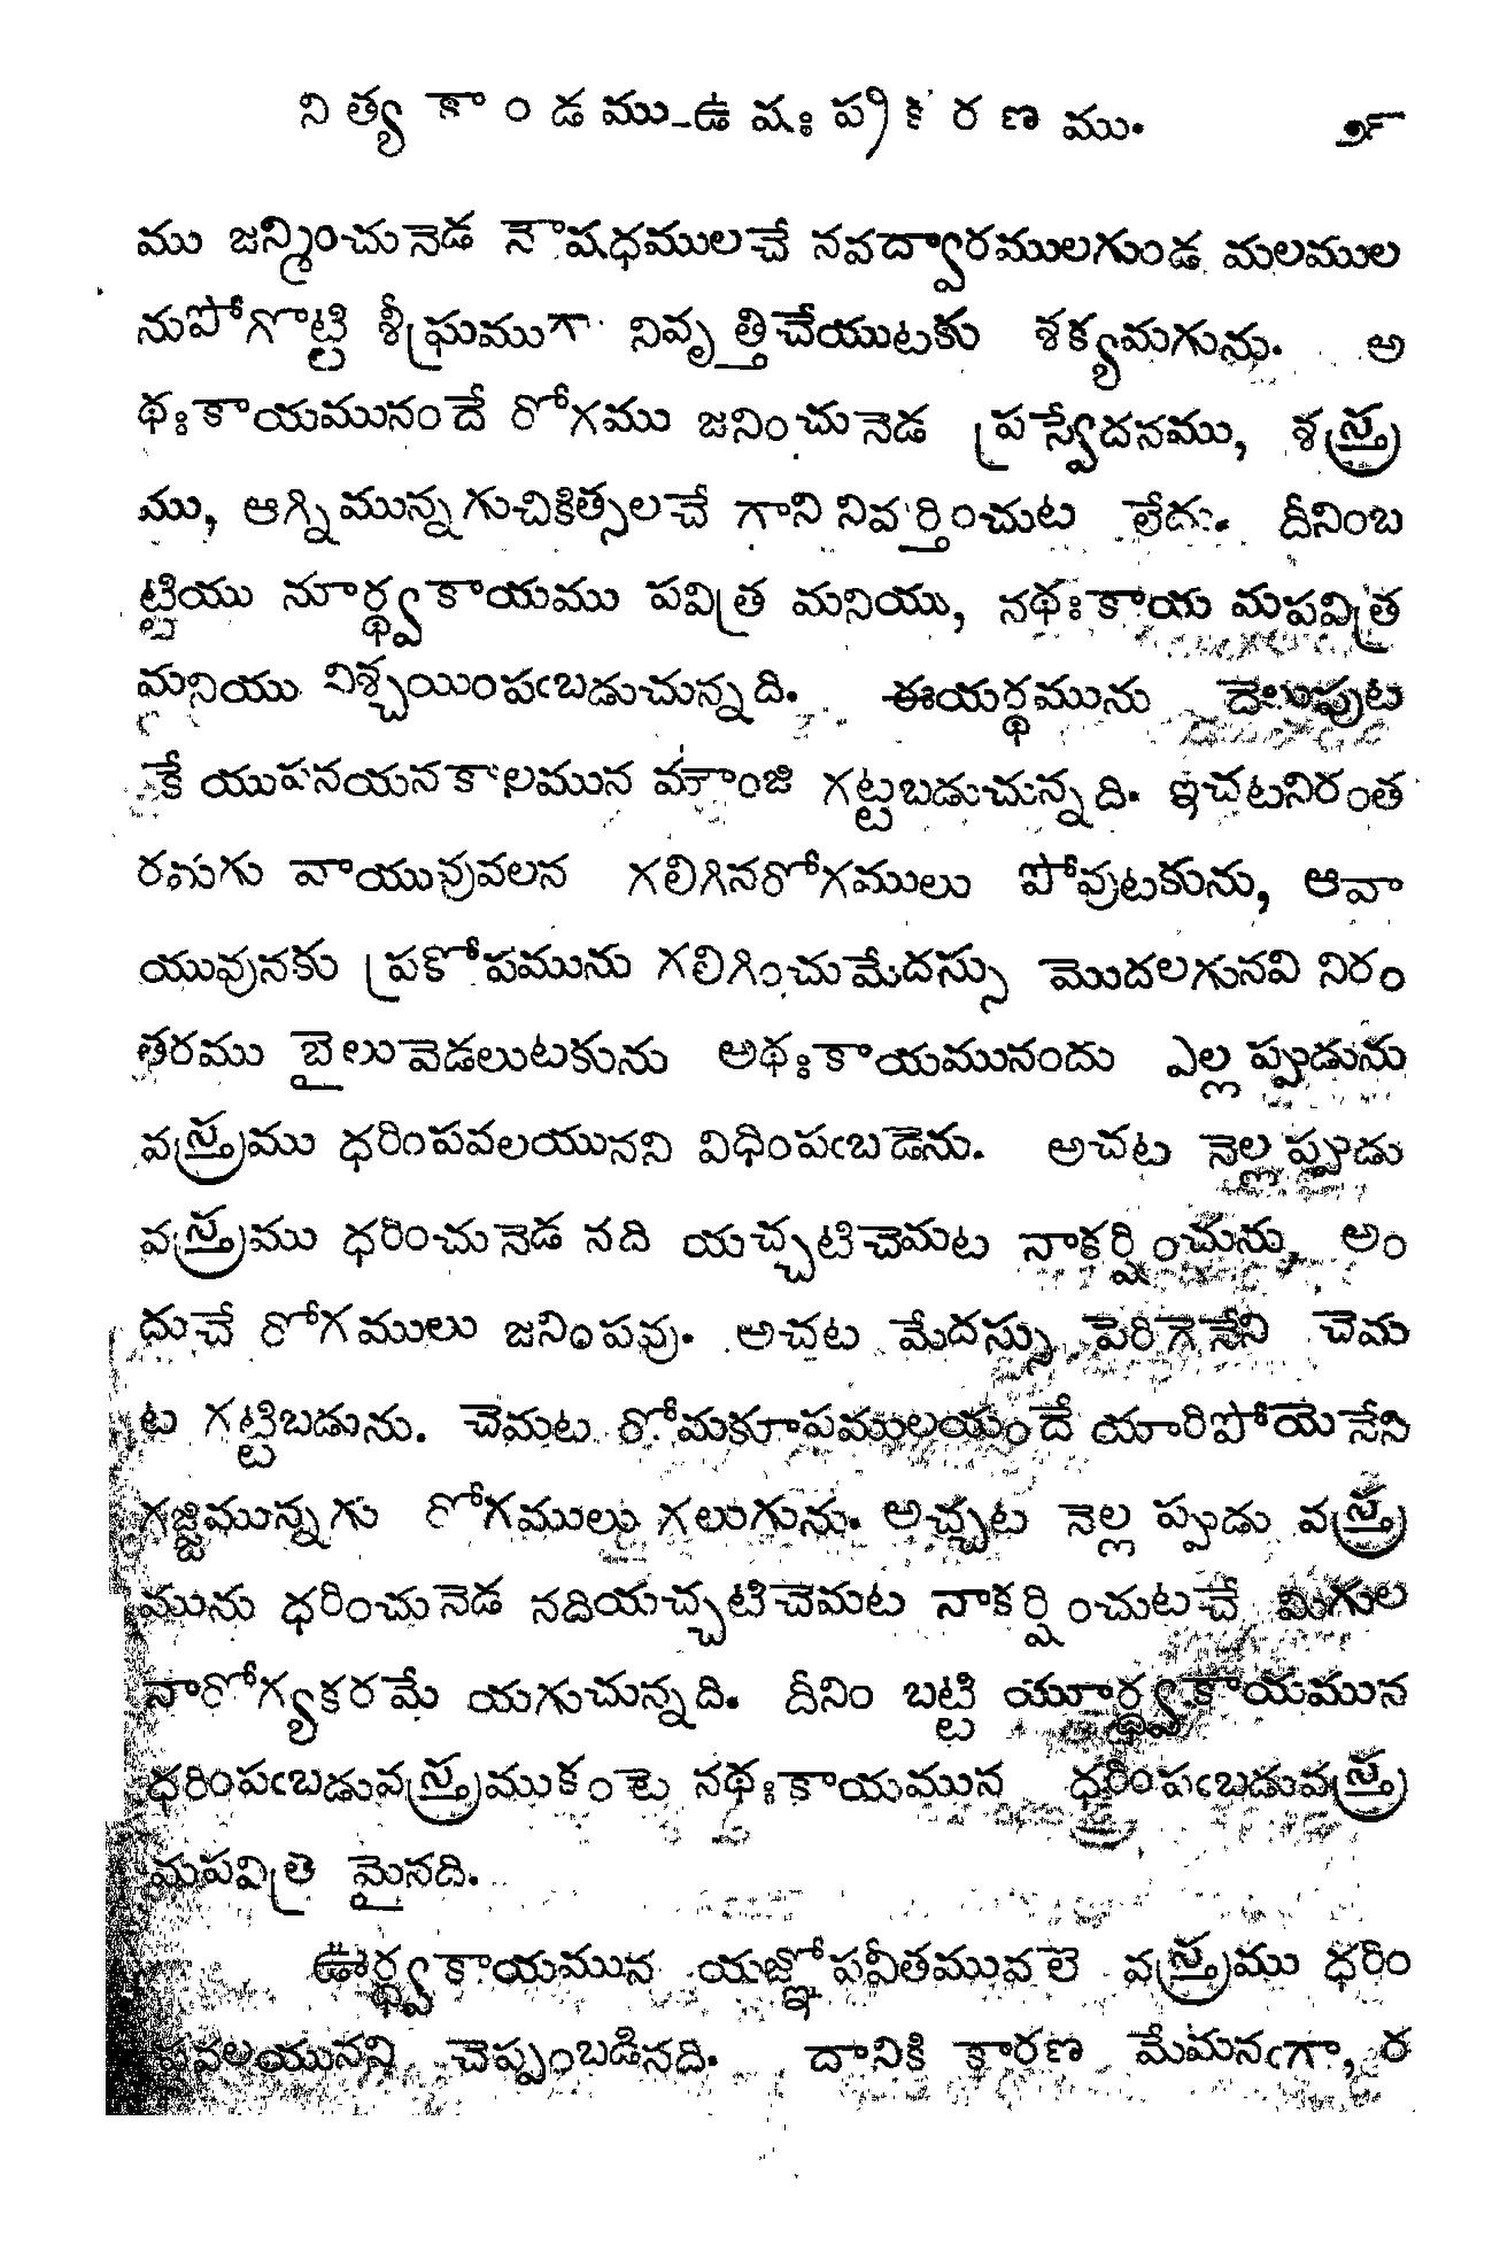ము జన్మించునెడ నౌషధములచే నవద్వారములగుండ మలములనుపోగొట్టి శీఘ్రముగా నివృత్తిచేయుటకు శక్యమగును. అథఃకాయమునందే రోగము జనించునెడ ప్రస్వేదనము, శస్త్రము, ఆగ్నిమున్నగుచికిత్సలచే గాని నివర్తించుట లేదు. దీనింబట్టియు నూర్థ్వకాయము పవిత్ర మనియు, నథఃకాయ మపవిత్రమనియు విశ్చయింపఁబడుచున్నది. ఈయర్థమును దెలుపుటకే యుపనయనకాలమున మౌంజి గట్టబడుచున్నది. ఇచటనిరంతరమగు వాయువువలన గలిగినరోగములు పోవుటకును, ఆవాయువునకు ప్రకోపమును గలిగించుమేదస్సు మొదలగునవి నిరంతరము బైలువెడలుటకును అథఃకాయమునందు ఎల్లప్పుడును
వస్త్రము ధరింపవలయునని విధింపఁబడెను. అచట నెల్లప్పుడు వస్త్రము ధరించునెడ నది యచ్చటిచెమట నాకర్షించును. అందుచే రోగములు జనింపవు. అచట మేదస్సు, పెరిగెనేని చెమట గట్టిబడును. చెమట రోమకూపములయందే యారిపోయెనేని గజ్జిమున్నగు రోగములు గలుగును. అచ్చట నెల్ల ప్పుడు వస్త్రమును ధరించునెడ నదియచ్చటిచెమట నాకర్షించుటచే మిగుల నారోగ్యకరమే యగుచున్నది. దీనిం బట్టి యూర్ధ్వకాయమున ధరింపఁబడువస్త్రముకంటె నథఃకాయమున ధరింపఁబడువస్త్ర మపవిత్ర మైనది.

ఊర్ధ్వకాయమున యజ్ఞోపవీతమువలె వస్త్రము ధరింపవలయునని చెప్పంబడినది. దానికి కారణ మేమనఁగా, ర